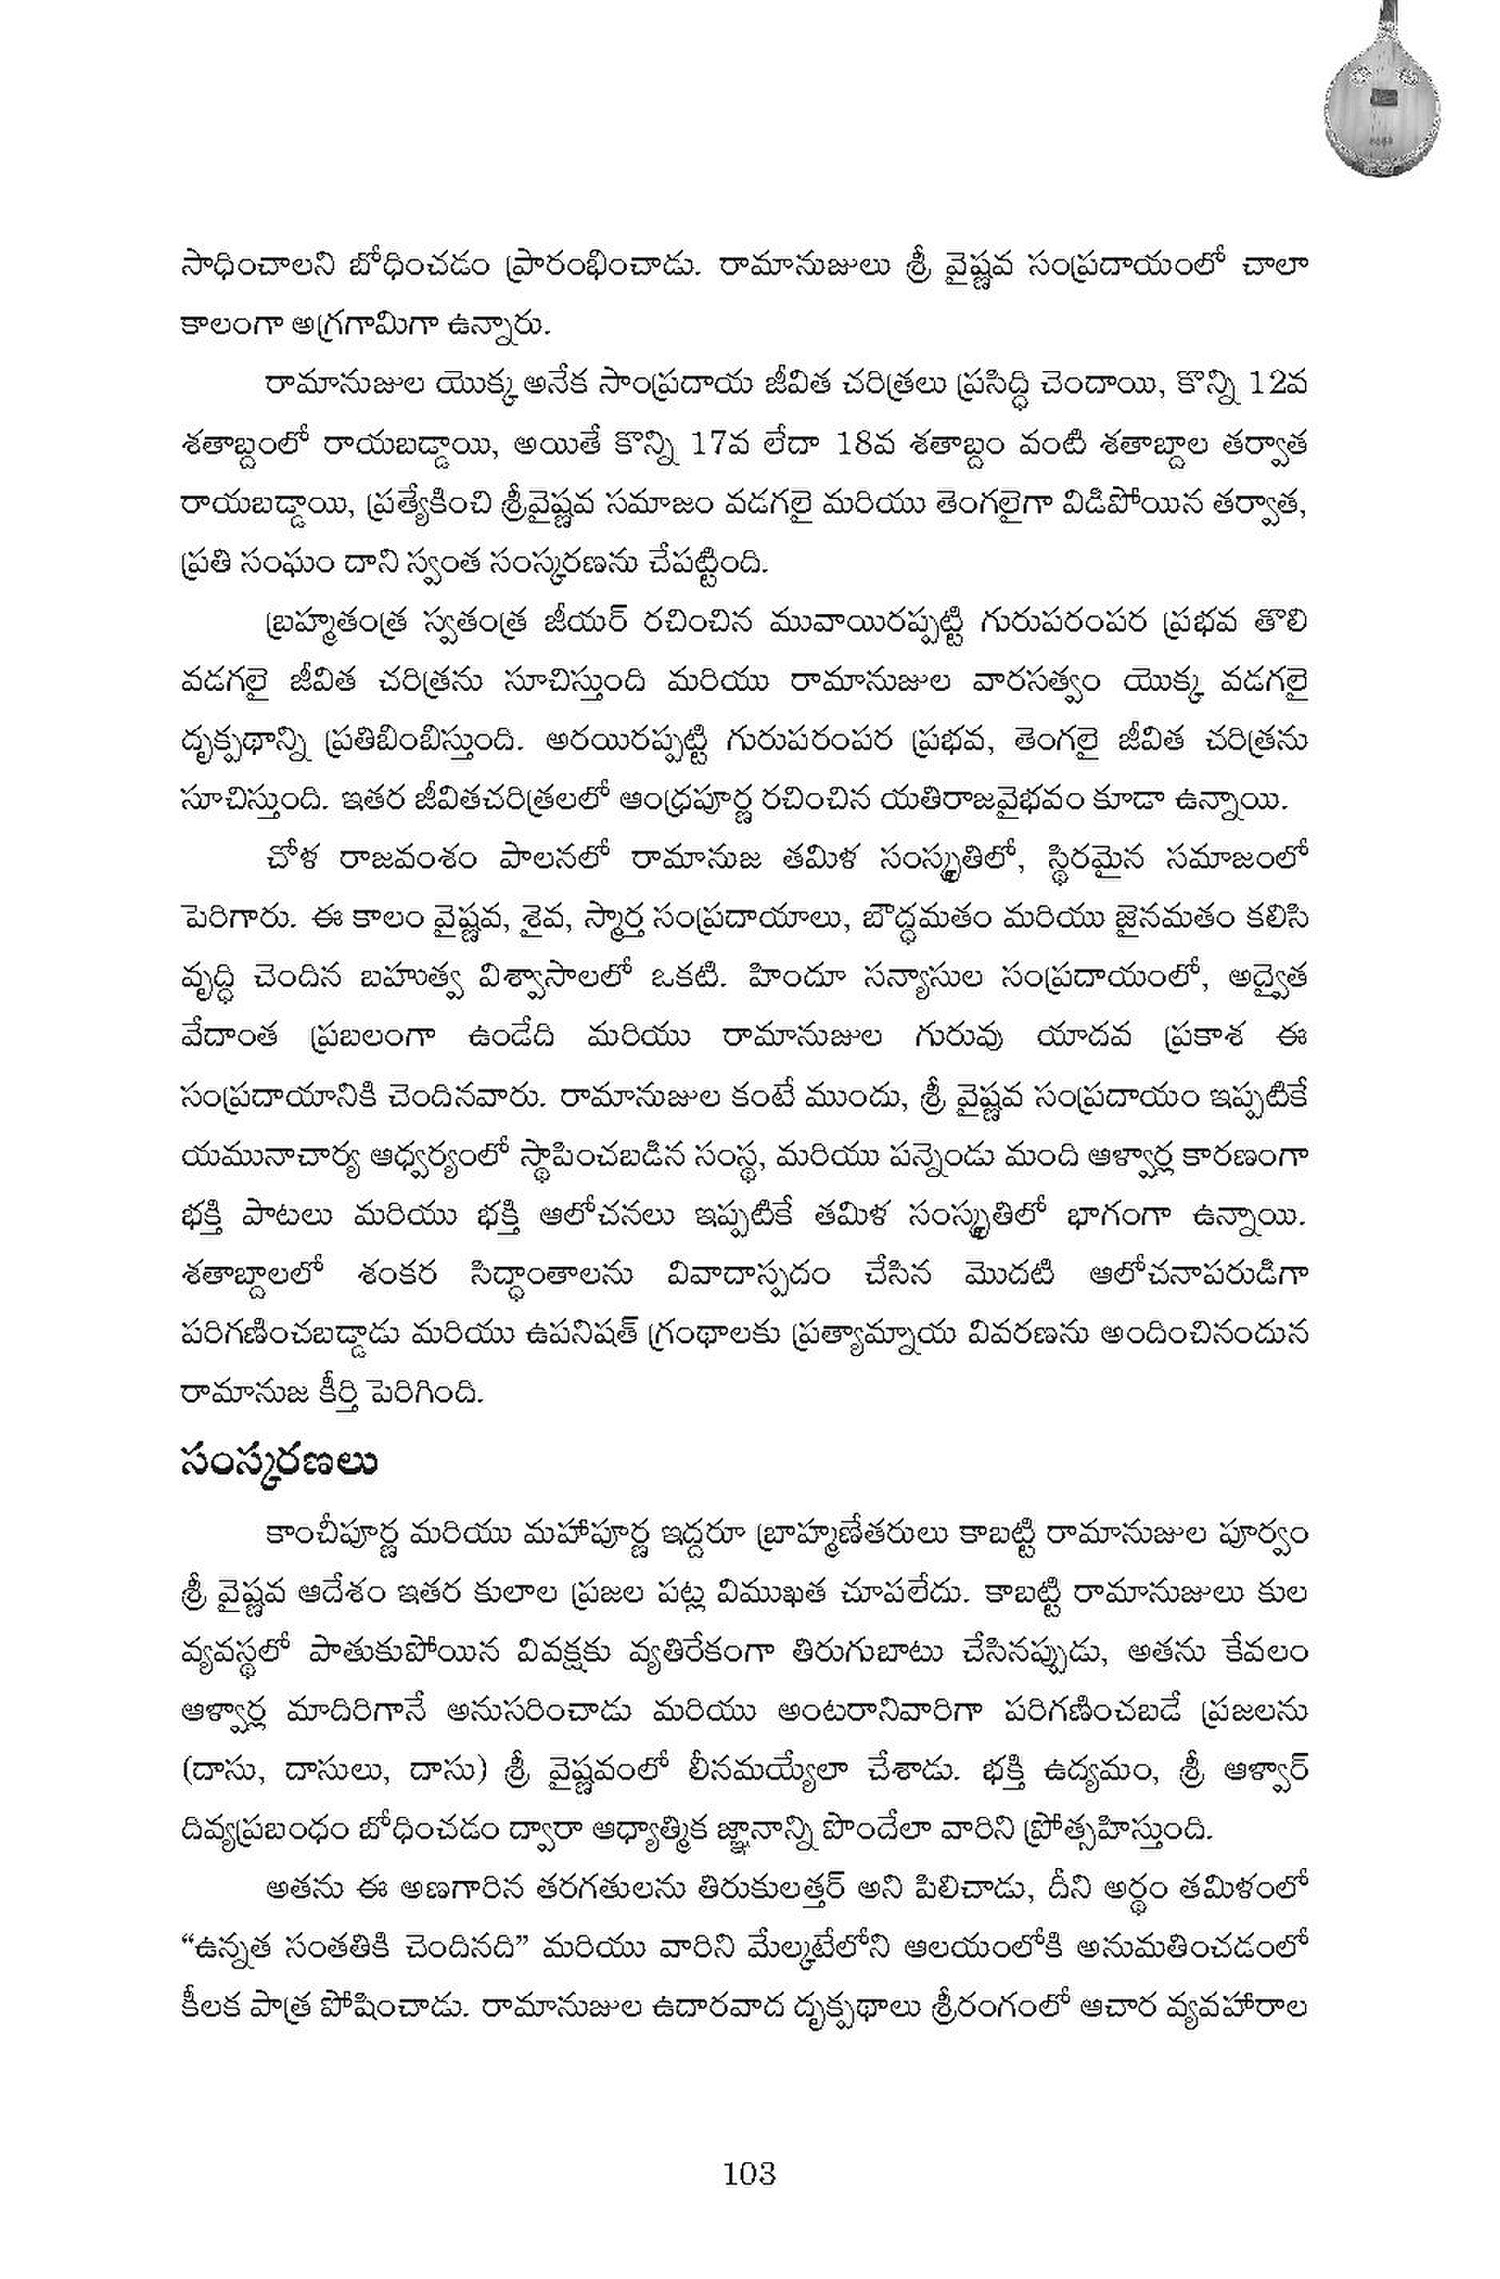సాధించాలని బోధించడం ప్రారంభించాడు. రామానుజులు శ్రీ వైష్ణవ సంప్రదాయంలో చాలా కాలంగా అగ్రగామిగా ఉన్నారు.

రామానుజుల యొక్క అనేక సాంప్రదాయ జీవిత చరిత్రలు ప్రసిద్ధి చెందాయి, కొన్ని 12వ శతాబ్దంలో రాయబడ్డాయి, అయితే కొన్ని 17వ లేదా 18వ శతాబ్దం వంటి శతాబ్దాల తర్వాత రాయబడ్డాయి, ప్రత్యేకించి శ్రీవైష్ణవ సమాజం వడగలై మరియు తెంగలైగా విడిపోయిన తర్వాత, ప్రతి సంఘం దాని స్వంత సంస్కరణను చేపట్టింది.

బ్రహ్మతంత్ర స్వతంత్ర జీయర్ రచించిన మువాయిరప్పట్టి గురుపరంపర ప్రభవ తొలి వడగలై జీవిత చరిత్రను సూచిస్తుంది మరియు రామానుజుల వారసత్వం యొక్క వడగలై దృక్పథాన్ని ప్రతిబింబిస్తుంది. అరయిరప్పట్టి గురుపరంపర ప్రభవ, తెంగలై జీవిత చరిత్రను సూచిస్తుంది. ఇతర జీవితచరిత్రలలో ఆంధ్రపూర్ణ రచించిన యతిరాజవైభవం కూడా ఉన్నాయి.

చోళ రాజవంశం పాలనలో రామానుజ తమిళ సంస్కృతిలో, స్థిరమైన సమాజంలో పెరిగారు. ఈ కాలం వైష్ణవ, శైవ, స్మార్త సంప్రదాయాలు, బౌద్ధమతం మరియు జైనమతం కలిసి వృద్ధి చెందిన బహుత్వ విశ్వాసాలలో ఒకటి. హిందూ సన్యాసుల సంప్రదాయంలో, అద్వైత వేదాంత ప్రబలంగా ఉండేది మరియు రామానుజుల గురువు యాదవ ప్రకాశ ఈ సంప్రదాయానికి చెందినవారు. రామానుజుల కంటే ముందు, శ్రీ వైష్ణవ సంప్రదాయం ఇప్పటికే యమునాచార్య ఆధ్వర్యంలో స్థాపించబడిన సంస్థ, మరియు పన్నెండు మంది ఆళ్వార్ల కారణంగా భక్తి పాటలు మరియు భక్తి ఆలోచనలు ఇప్పటికే తమిళ సంస్కృతిలో భాగంగా ఉన్నాయి. శతాబ్దాలలో శంకర సిద్ధాంతాలను వివాదాస్పదం చేసిన మొదటి ఆలోచనాపరుడిగా పరిగణించబడ్డాడు మరియు ఉపనిషత్ గ్రంథాలకు ప్రత్యామ్నాయ వివరణను అందించినందున రామానుజ కీర్తి పెరిగింది.

సంస్కరణలు

కాంచీపూర్ణ మరియు మహాపూర్ణ ఇద్దరూ బ్రాహ్మణేతరులు కాబట్టి రామానుజుల పూర్వం శ్రీ వైష్ణవ ఆదేశం ఇతర కులాల ప్రజల పట్ల విముఖత చూపలేదు. కాబట్టి రామానుజులు కుల వ్యవస్థలో పాతుకుపోయిన వివక్షకు వ్యతిరేకంగా తిరుగుబాటు చేసినప్పుడు, అతను కేవలం ఆళ్వార్ల మాదిరిగానే అనుసరించాడు మరియు అంటరానివారిగా పరిగణించబడే ప్రజలను
(దాసు, దాసులు, దాసు) శ్రీ వైష్ణవంలో లీనమయ్యేలా చేశాడు. భక్తి ఉద్యమం, శ్రీ ఆళ్వార్ దివ్యప్రబంధం బోధించడం ద్వారా ఆధ్యాత్మిక జ్ఞానాన్ని పొందేలా వారిని ప్రోత్సహిస్తుంది. అతను ఈ అణగారిన తరగతులను తిరుకులత్తర్ అని పిలిచాడు, దీని అర్థం తమిళంలో "ఉన్నత సంతతికి చెందినది” మరియు వారిని మేల్కటేలోని ఆలయంలోకి అనుమతించడంలో కీలక పాత్ర పోషించాడు. రామానుజుల ఉదారవాద దృక్పథాలు శ్రీరంగంలో ఆచార వ్యవహారాల